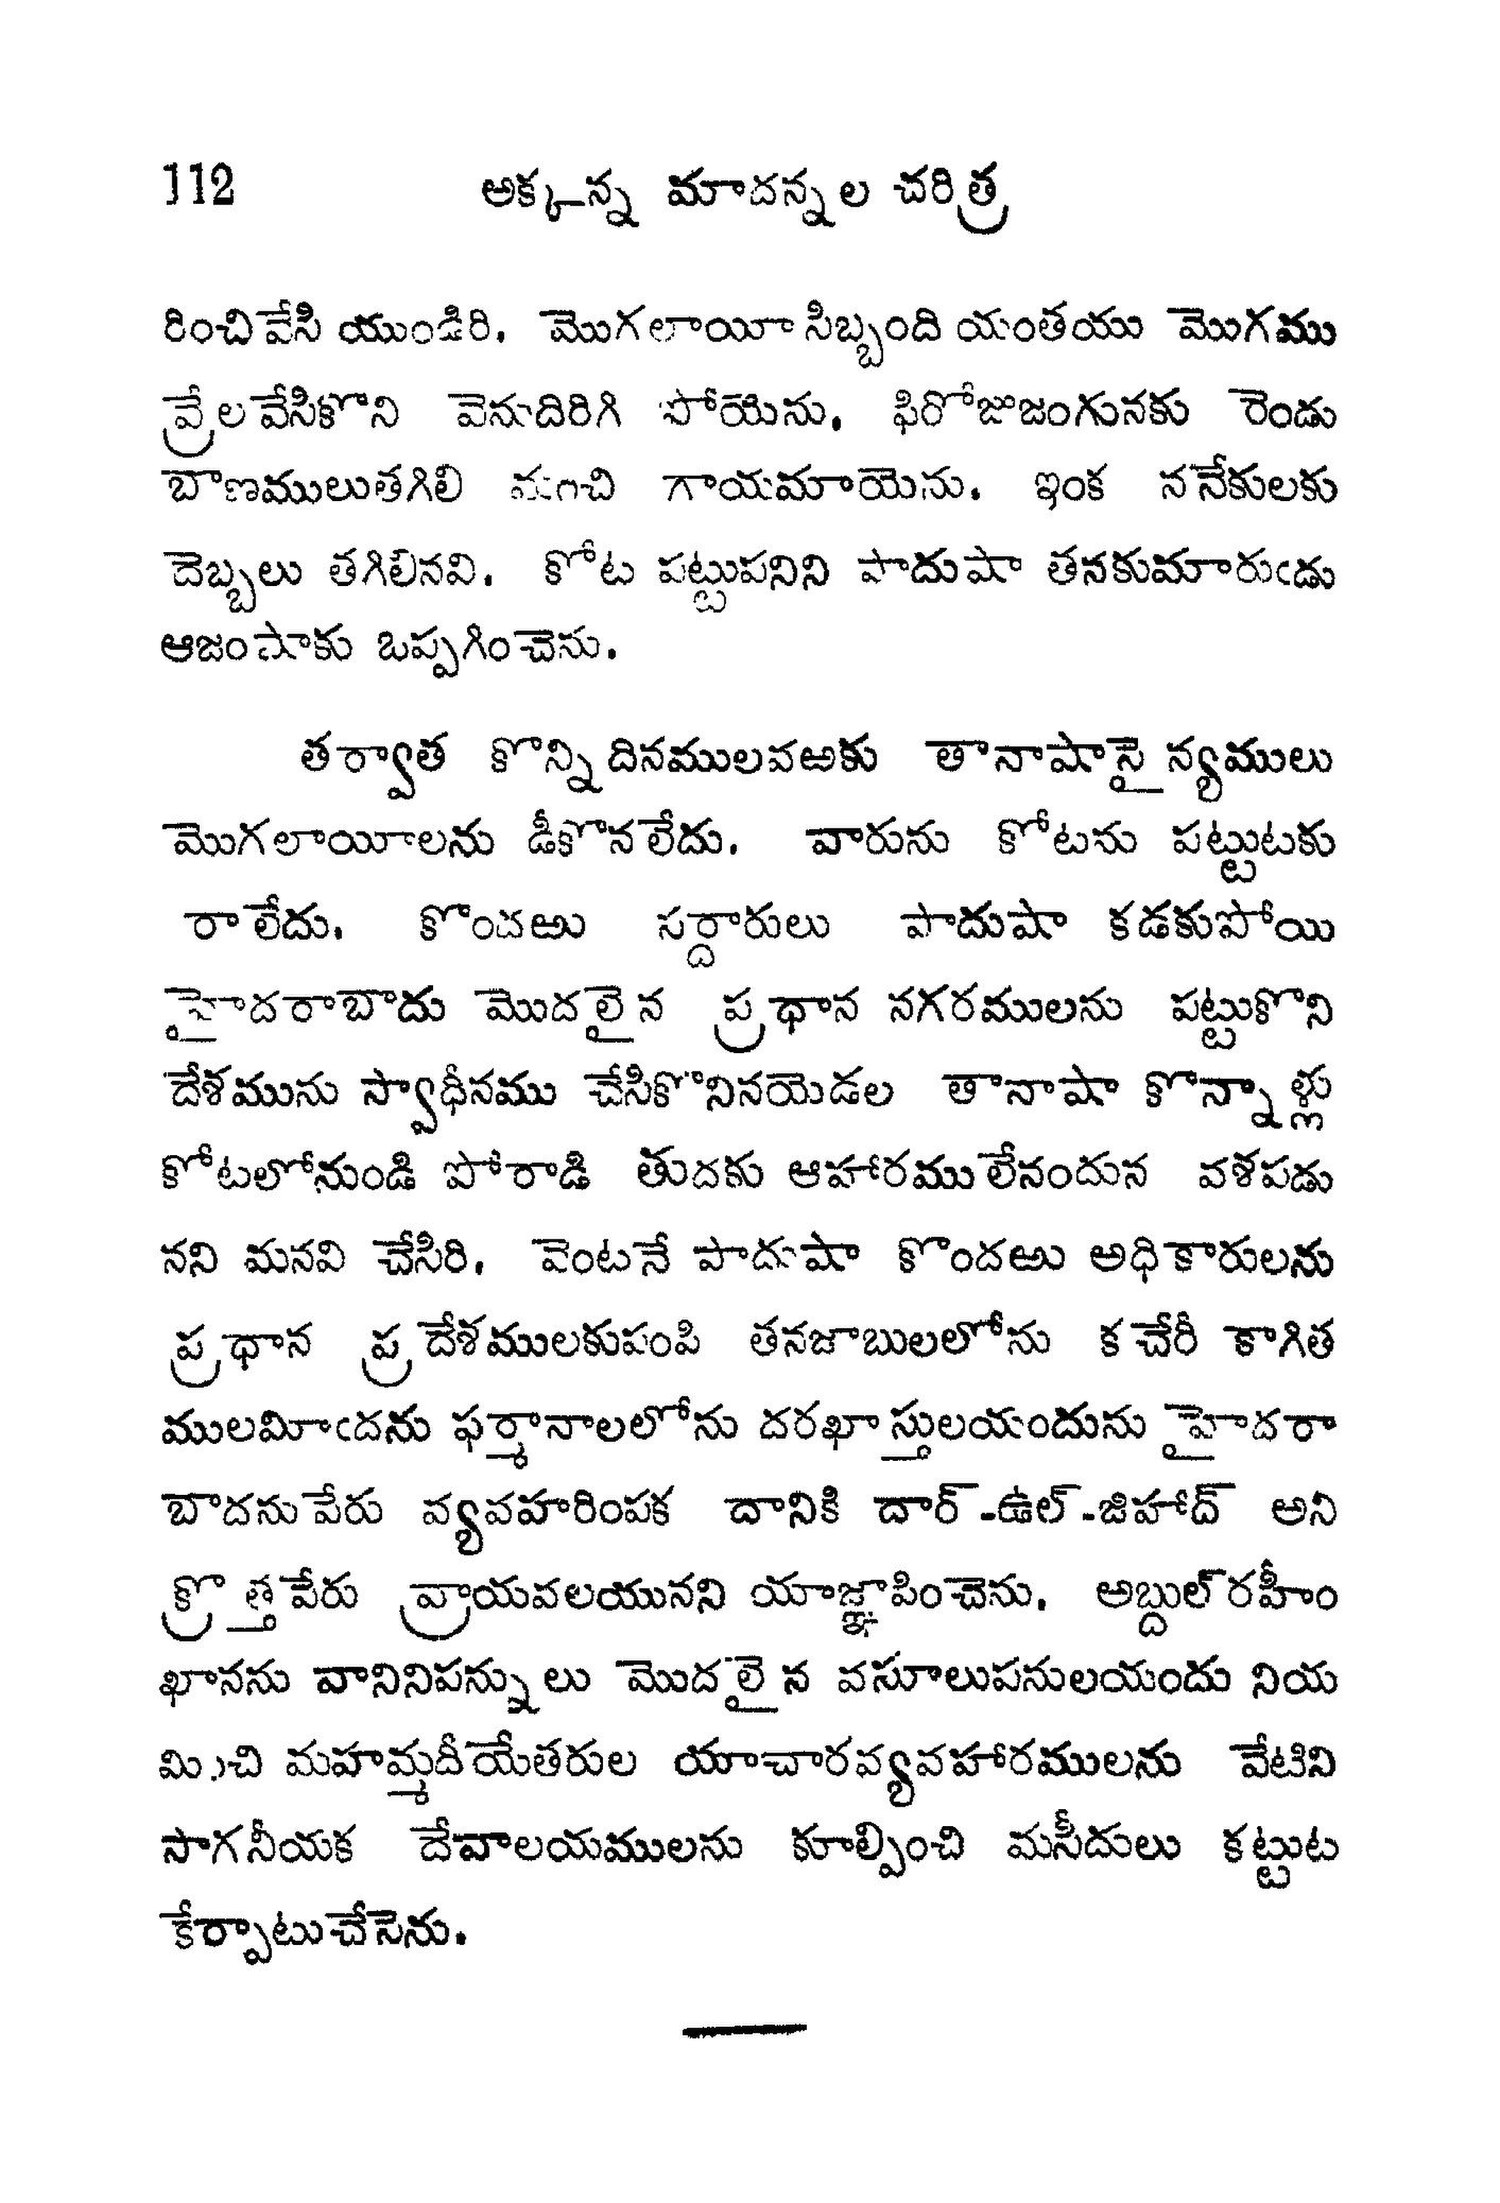రించివేసి యుండిరి. మొగలాయీ సిబ్బంది యంతయు మొగము వ్రేలవేసికొని వెనుదిరిగి పోయెను. ఫిరోజుజంగునకు రెండు బాణములుతగిలి మంచి గాయమాయెను. ఇంక ననేకులకు దెబ్బలు తగిలినవి. కోట పట్టుపనిని పాదుషా తనకుమారుఁడు ఆజంషాకు ఒప్పగించెను.

తర్వాత కొన్ని దినములవఱకు తానాషాసైన్యములు మొగలాయీలను డీకొనలేదు. వారును కోటను పట్టుటకు రాలేదు. కొందఱు సర్దారులు పాదుషా కడకుపోయి హైదరాబాదు మొదలైన ప్రధాన నగరములను పట్టుకొని దేశమును స్వాధీనము చేసికొనినయెడల తానాషా కొన్నాళ్లు కోటలోనుండి పోరాడి తుదకు ఆహారములేనందున వశపడునని మనవి చేసిరి. వెంటనే పాదుషా కొందఱు అధికారులను ప్రధాన ప్రదేశములకుపంపి తనజాబులలోను కచేరీ కాగితములమీఁదను ఫర్మానాలలోను దరఖాస్తులయందును హైదరాబాదనుపేరు వ్యవహరింపక దానికి దార్-ఉల్-జిహాద్ అని క్రొత్తపేరు వ్రాయవలయునని యాజ్ఞాపించెను. అబ్దుల్‌రహీం ఖానను వానినిపన్నులు మొదలైన వసూలుపనులయందు నియమించి మహమ్మదీయేతరుల యాచారవ్యవహారములను వేటిని సాగనీయక దేవాలయములను కూల్పించి మసీదులు కట్టుట కేర్పాటుచేసెను.